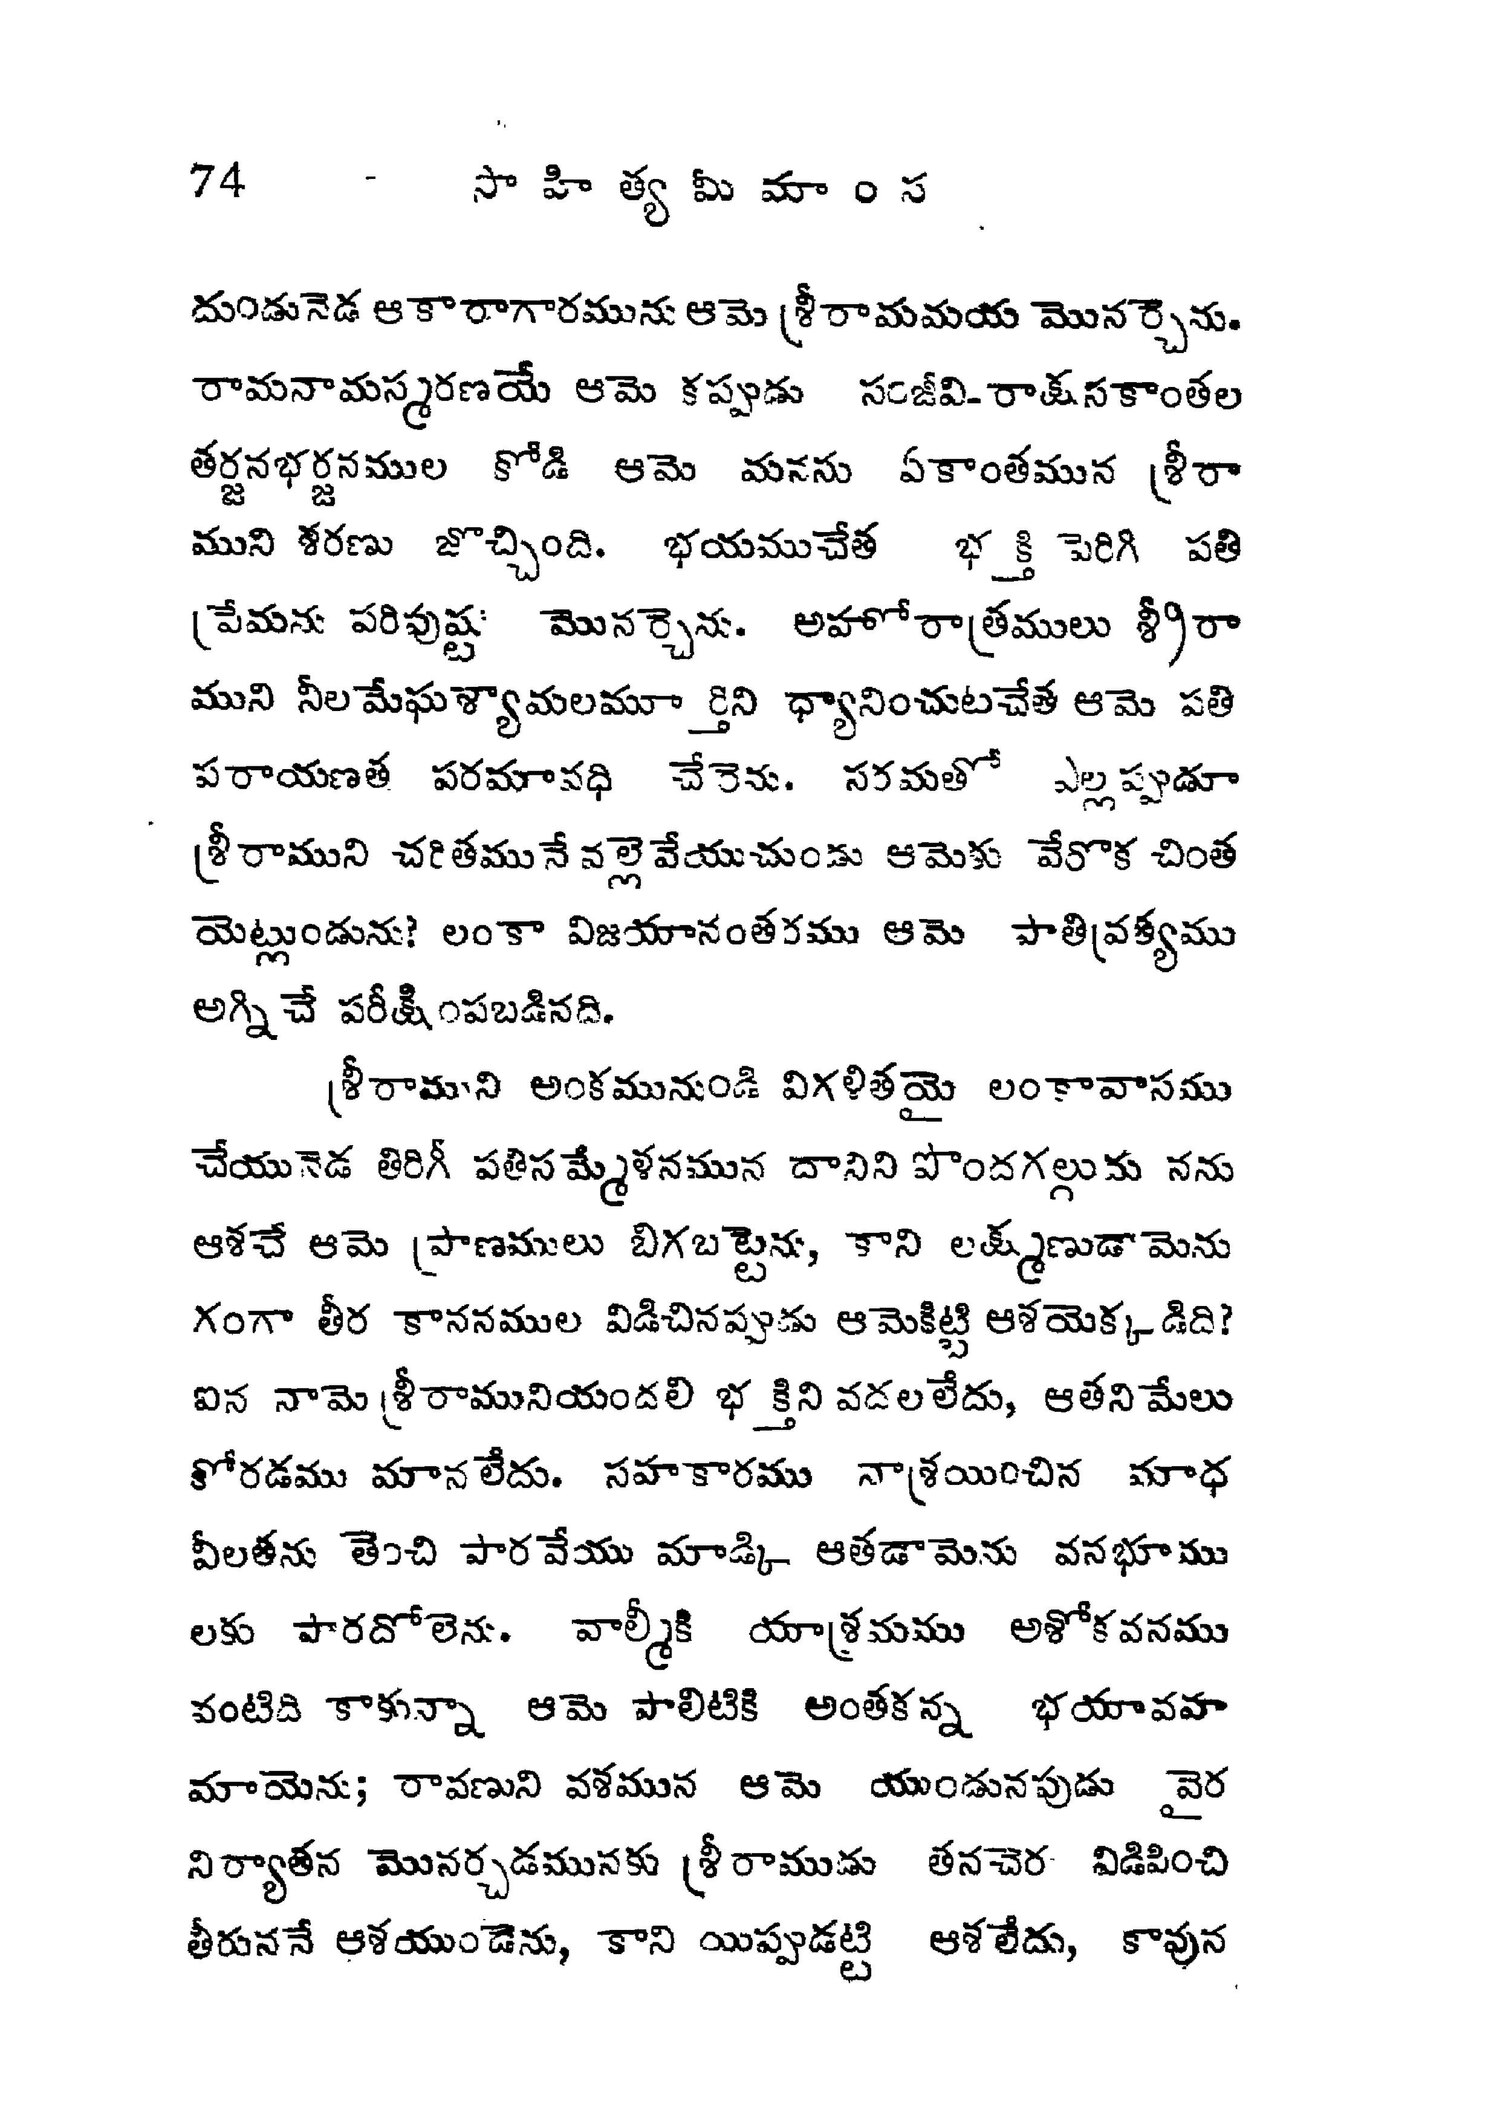దుండునెడ ఆకారాగారమును ఆమె శ్రీరామమయ మొనర్చెను. రామనామస్మరణయే ఆమె కప్పుడు సంజీవి - రాక్షసకాంతల తర్జనభర్జనముల కోడి ఆమె మనసు ఏకాంతమున శ్రీరాముని శరణు జొచ్చింది. భయముచేత భక్తి పెరిగి పతి ప్రేమను పరిపుష్ట మొనర్చెను. అహోరాత్రములు శ్రీరాముని నీలమేఘశ్యామలమూర్తిని ధ్యానించుటచేత ఆమె పతి పరాయణత పరమావధి చేరెను. సరమతో ఎల్లప్పుడూ శ్రీరాముని చరితమునేవల్లెవేయుచుండు ఆమెకు వేరొక చింత యెట్లుండును? లంకా విజయానంతరము ఆమె పాతివ్రత్యము అగ్నిచే పరీక్షింపబడినది.

శ్రీరాముని అంకమునుండి విగళితయై లంకావాసము చేయునెడ తిరిగీ పతిసమ్మేళనమున దానిని పొందగల్గుదు నను ఆశచే ఆమె ప్రాణములు బిగబట్టెను, కాని లక్ష్మణుడామెను గంగా తీర కాననముల విడిచినప్పుడు ఆమెకిట్టి ఆశయెక్కడిది? ఐన నామెశ్రీరామునియందలి భక్తిని వదలలేదు, ఆతనిమేలు కోరడము మానలేదు. సహకారము నాశ్రయించిన మాధవీలతను తెంచి పారవేయు మాడ్కి ఆతడామెను వనభూములకు పారదోలెను. వాల్మీకి యాశ్రమము అశోకవనము వంటిది కాకున్నా ఆమె పాలిటికి అంతకన్న భయావహ మాయెను: రావణుని వశమున ఆమె యుండునపుడు వైర నిర్యాతన మొనర్చడమునకు శ్రీరాముడు తనచెర విడిపించి తీరుననే ఆశయుండెను, కాని యిప్పుడట్టి ఆశలేదు, కావున